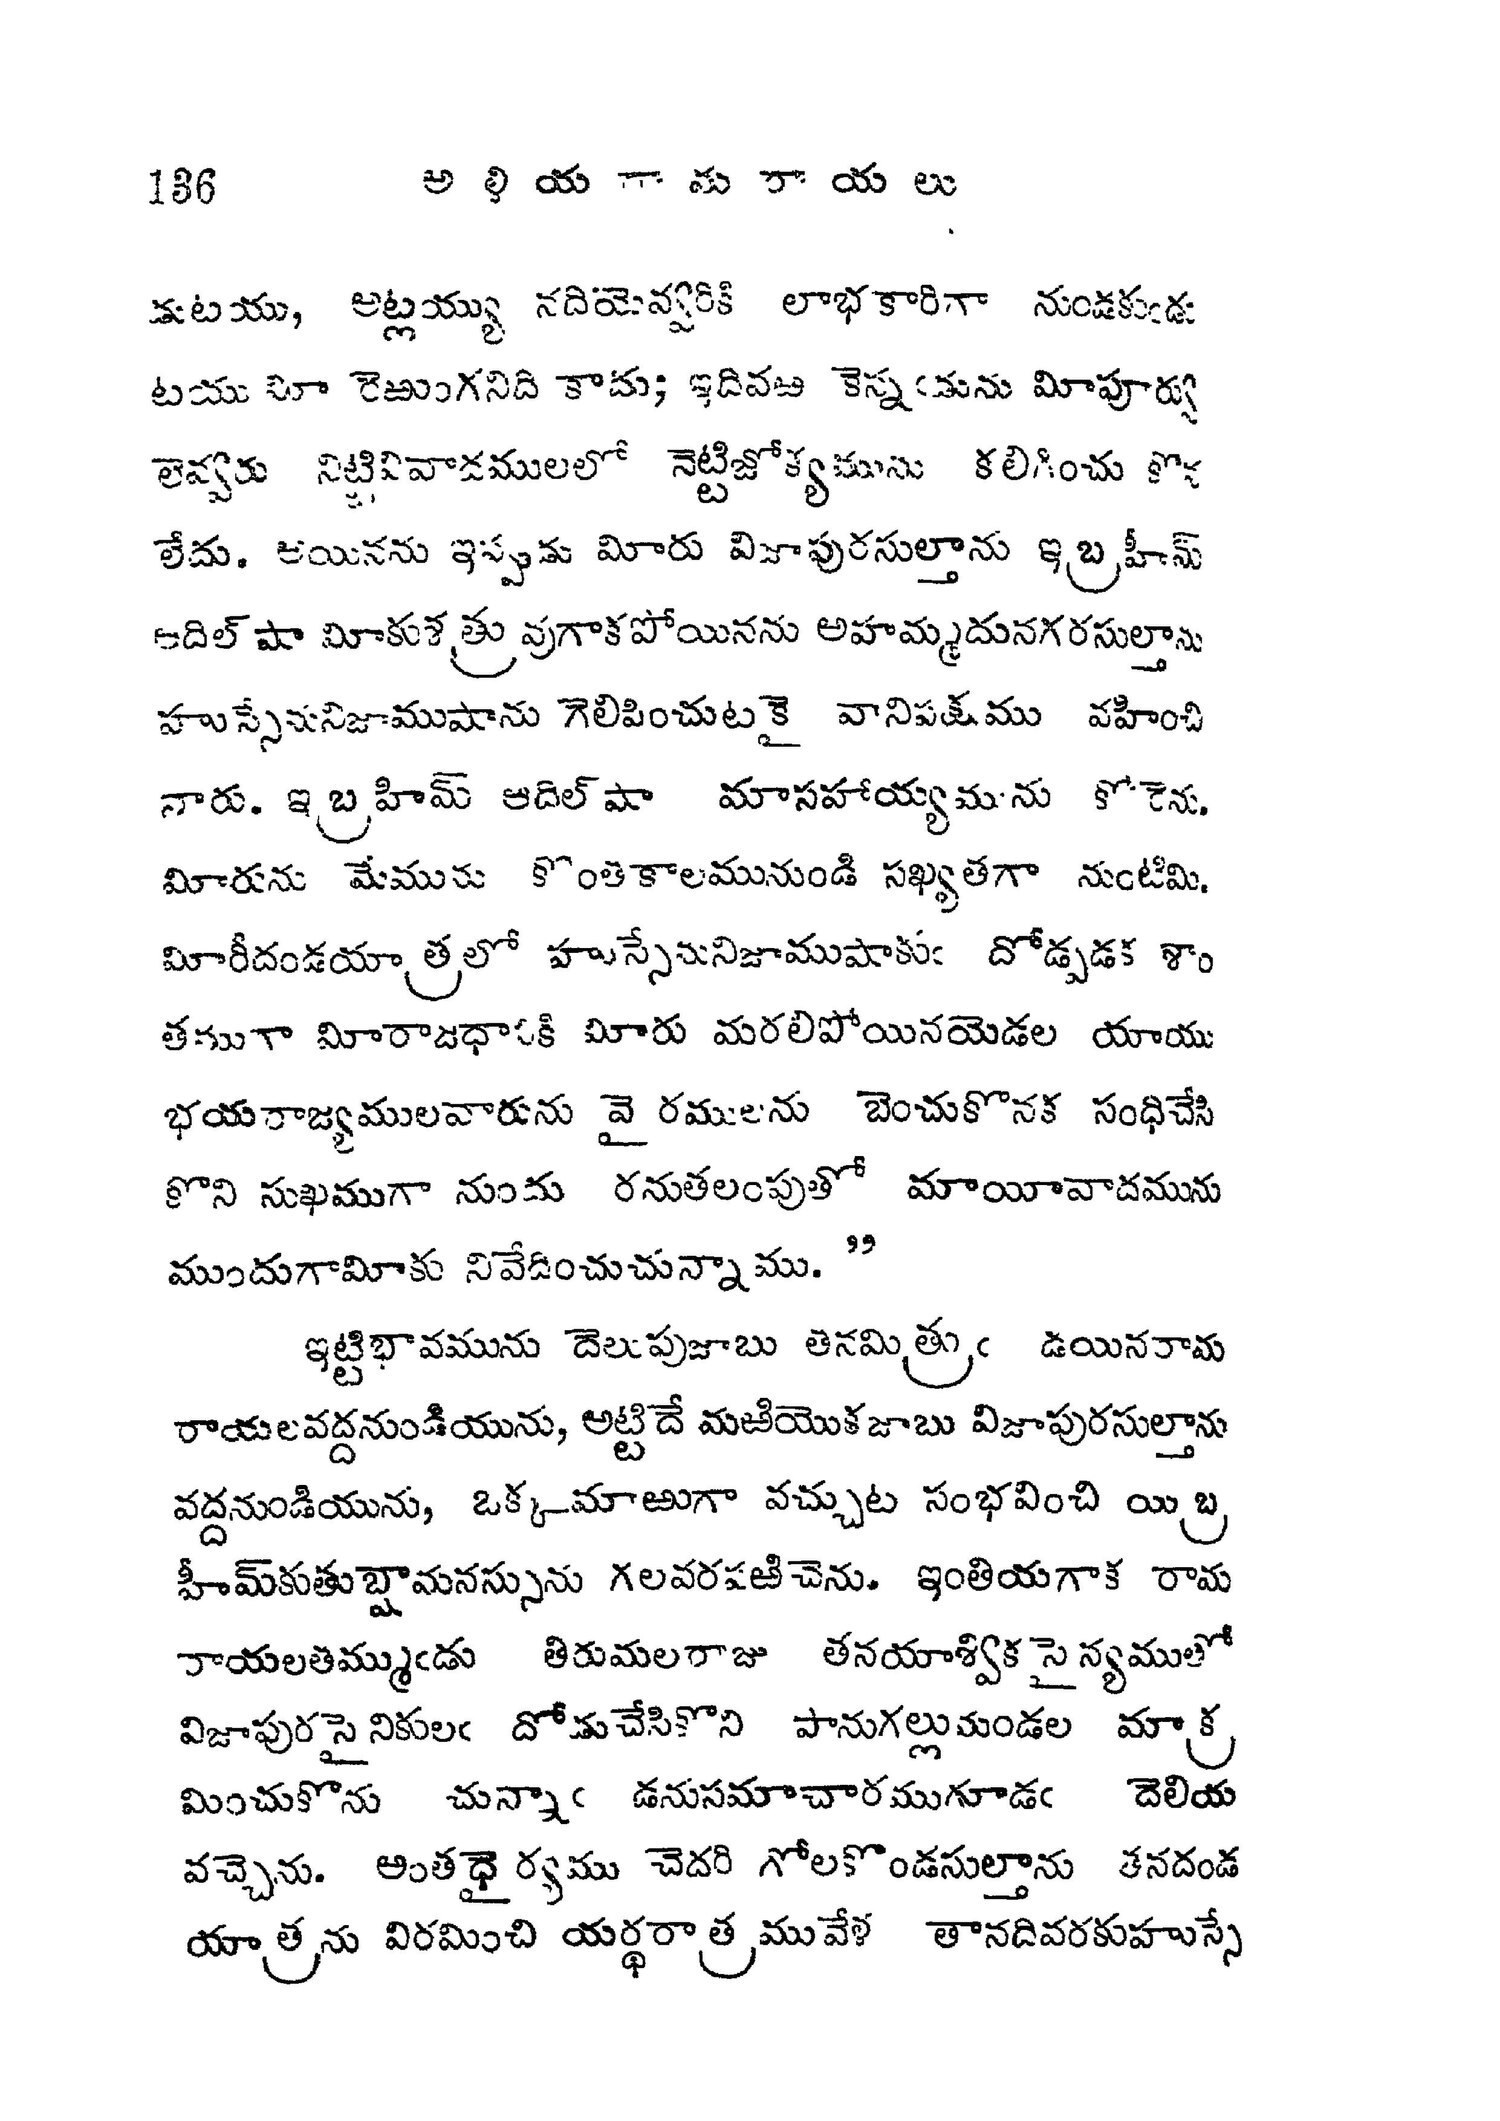డుటయు, అట్లయ్యు నదియెవ్వరికి లాభకారిగా నుండకుండుటయు మీ రెఱుంగనిది కాదు: ఇదివఱ కెన్నడును మీపూర్వులెవ్వరు నిట్టివివాదములలో నెట్టిజోక్యమును కలిగించు కొనలేదు. అయినను ఇప్పుడు మీరు విజాపురసుల్తాను ఇబ్రహీమ్‌ఆదిల్‌షా మీకుశత్రువుగాకపోయినను అహమ్మదునగర సుల్తాను హుస్సేనునిజాముషాను గెలిపించుటకై వానిపక్షము వహించినారు. ఇబ్రహీమ్ ఆదిల్‌షా మాసహాయ్యమును కోరెను. మీరును మేమును కొంతకాలమునుండి సఖ్యతగా నుంటిమి. మీరీదండయాత్రలో హుస్సేనునిజాముషాకు దోడ్పడక శాంతముగా మీరాజధానికి మీరు మరలిపోయినయెడల యాయుభయరాజ్యములవారును వైరములను బెంచుకొనక సంధిచేసికొని సుఖముగా నుందు రనుతలంపుతో మాయీవాదమును ముందుగామీకు నివేదించుచున్నాము."

ఇట్టిబావమును దెలుపుజాబు తనమిత్రు డయినరామరాయలవద్దనుండియును, అట్టిదే మఱియొకజాబు విజాపురసుల్తాను వద్దనుండియును, ఒక్కమాఱుగా వచ్చుట సంభవించి యిబ్రహీమ్‌కుతుబ్షామనస్సును గలవరపఱిచెను. ఇంతియగాక రామరాయలతమ్ముడు తిరుమలరాజు తనయాశ్విక సైన్యముతో విజాపురసైనికుల దోడుచేసికొని పానుగల్లుమండల మాక్రమించుకొను చున్నా డనుసమాచారముగూడ దెలియవచ్చెను. అంతధైర్యము చెదరి గోలకొండసుల్తాను తనదండయాత్రను విరమించి యర్థరాత్రమువేళ తానదివరకుహుస్సే